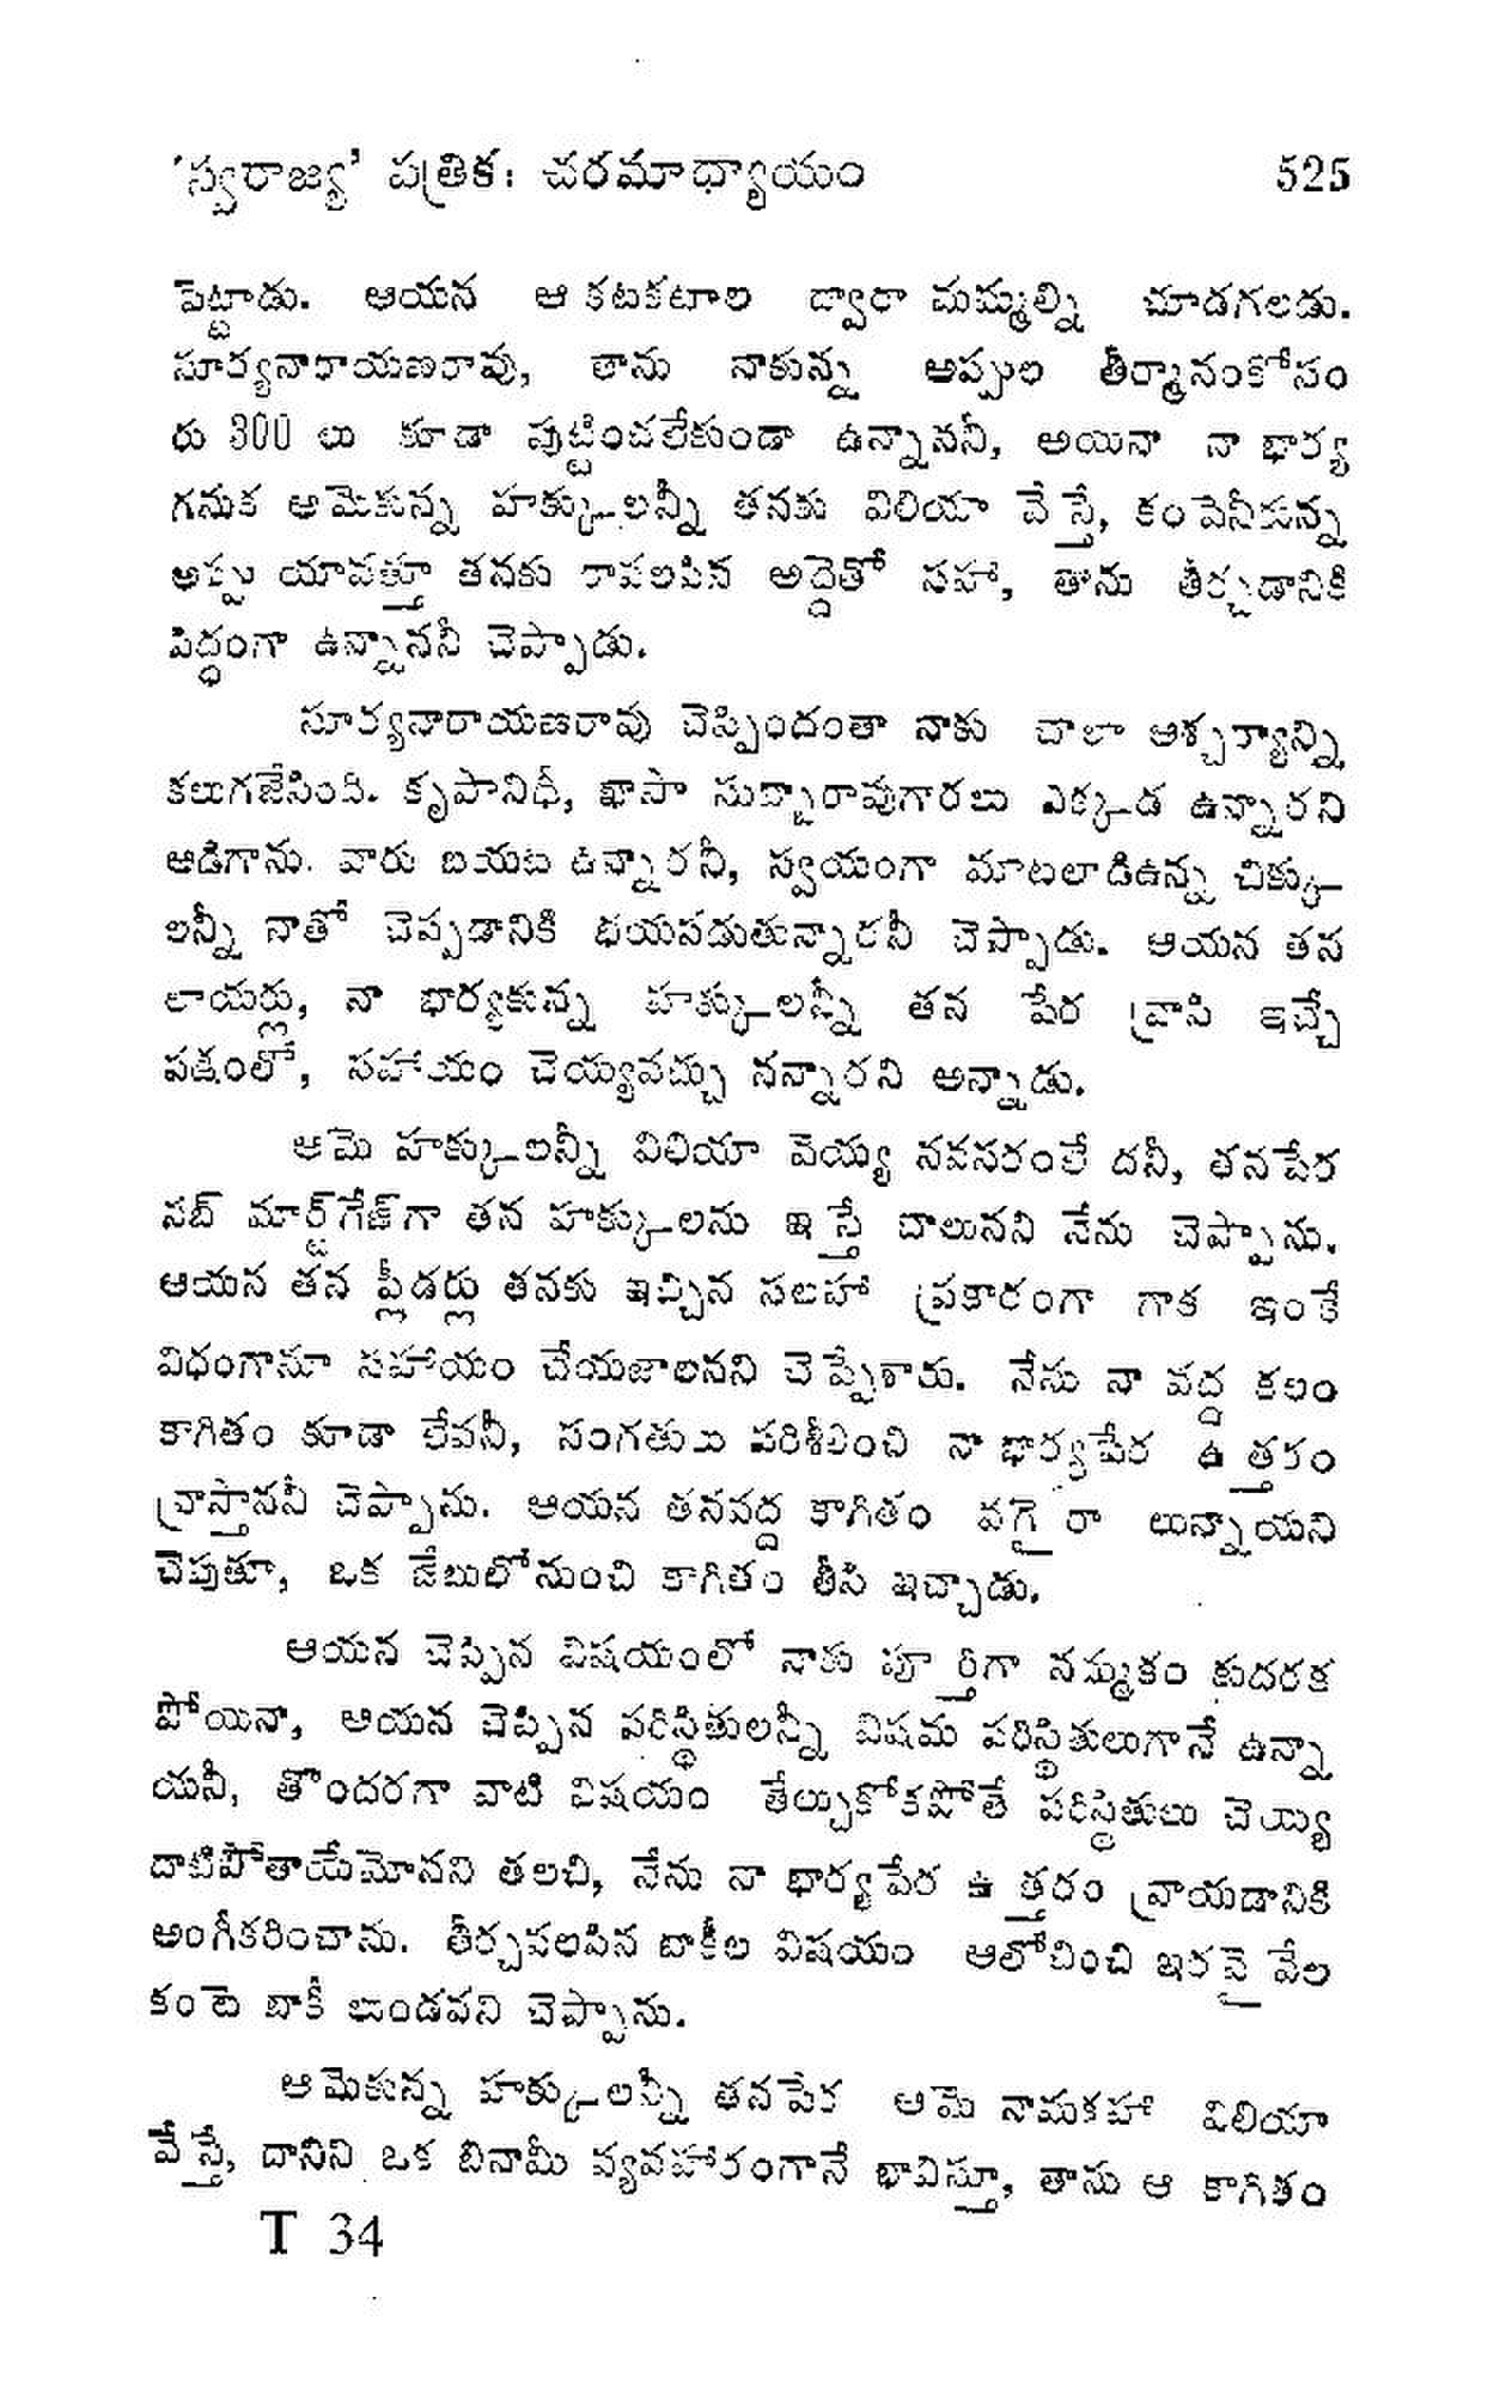పెట్టాడు. ఆయన ఆ కటకటాల ద్వారా మమ్మల్ని చూడగలడు. సూర్యనారాయణరావు, తాను నాకున్న అప్పుల తీర్మానంకోసం రు 300 లు కూడా పుట్టించలేకుండా ఉన్నాననీ, అయినా నా భార్య గనుక ఆమెకున్న హక్కులన్నీ తనకు విలియా వేస్తే, కంపెనీకున్న అప్పు యావత్తూ తనకు రావలసిన అద్దెతో సహా, తాను తీర్చడానికి సిద్ధంగా ఉన్నాననీ చెప్పాడు.

సూర్యనారాయణరావు చెప్పిందంతా నాకు చాలా ఆశ్చర్యాన్ని కలుగజేసింది. కృపానిధీ, ఖాసా సుబ్బారావుగారలు ఎక్కడ ఉన్నారని అడిగాను. వారు బయట ఉన్నారనీ, స్వయంగా మాటలాడి ఉన్న చిక్కులన్నీ నాతో చెప్పడానికి భయపడుతున్నారనీ చెప్పాడు. ఆయన తన లాయర్లు, నా భార్యకున్న హక్కులన్నీ తన పేర వ్రాసి ఇచ్చే పక్షంలో, సహాయం చెయ్యవచ్చు నన్నారని అన్నాడు.

ఆమె హక్కులన్నీ విలియా వెయ్య నవసరంలేదనీ, తనపేర సబ్ మార్ట్‌గేజ్‌గా తన హక్కులను ఇస్తే చాలునని నేను చెప్పాను. ఆయన తన ప్లీడర్లు తనకు ఇచ్చిన సలహా ప్రకారంగా గాక ఇంకే విధంగానూ సహాయం చేయజాలనని చెప్పేశారు. నేను నా వద్ద కలం కాగితం కూడా లేవనీ, సంగతులు పరిశీలించి నా భార్యపేర ఉత్తరం వ్రాస్తాననీ చెప్పాను. ఆయన తనవద్ద కాగితం వగైరా లున్నాయని చెపుతూ, ఒక జేబులోనుంచి కాగితం తీసి ఇచ్చాడు.

ఆయన చెప్పిన విషయంలో నాకు పూర్తిగా నమ్మకం కుదరక పోయినా, ఆయన చెప్పిన పరిస్థితులన్నీ విషమ పరిస్థితులుగానే ఉన్నాయనీ, తొందరగా వాటి విషయం తేల్చుకోక పోతే పరిస్థితులు చెయ్యిదాటి పోతాయేమోనని తలచి, నేను నా భార్యపేర ఉత్తరం వ్రాయడానికి అంగీకరించాను. తీర్చవలసిన బాకీల విషయం ఆలోచించి ఇరవై వేలకంటె బాకీ లుండవని చెప్పాను.

ఆమెకున్న హక్కులన్నీ తనపేర ఆమె నామకహా విలియా వేస్తే, దానిని ఒక బినామీ వ్యవహారంగానే భావిస్తూ, తాను ఆ కాగితం